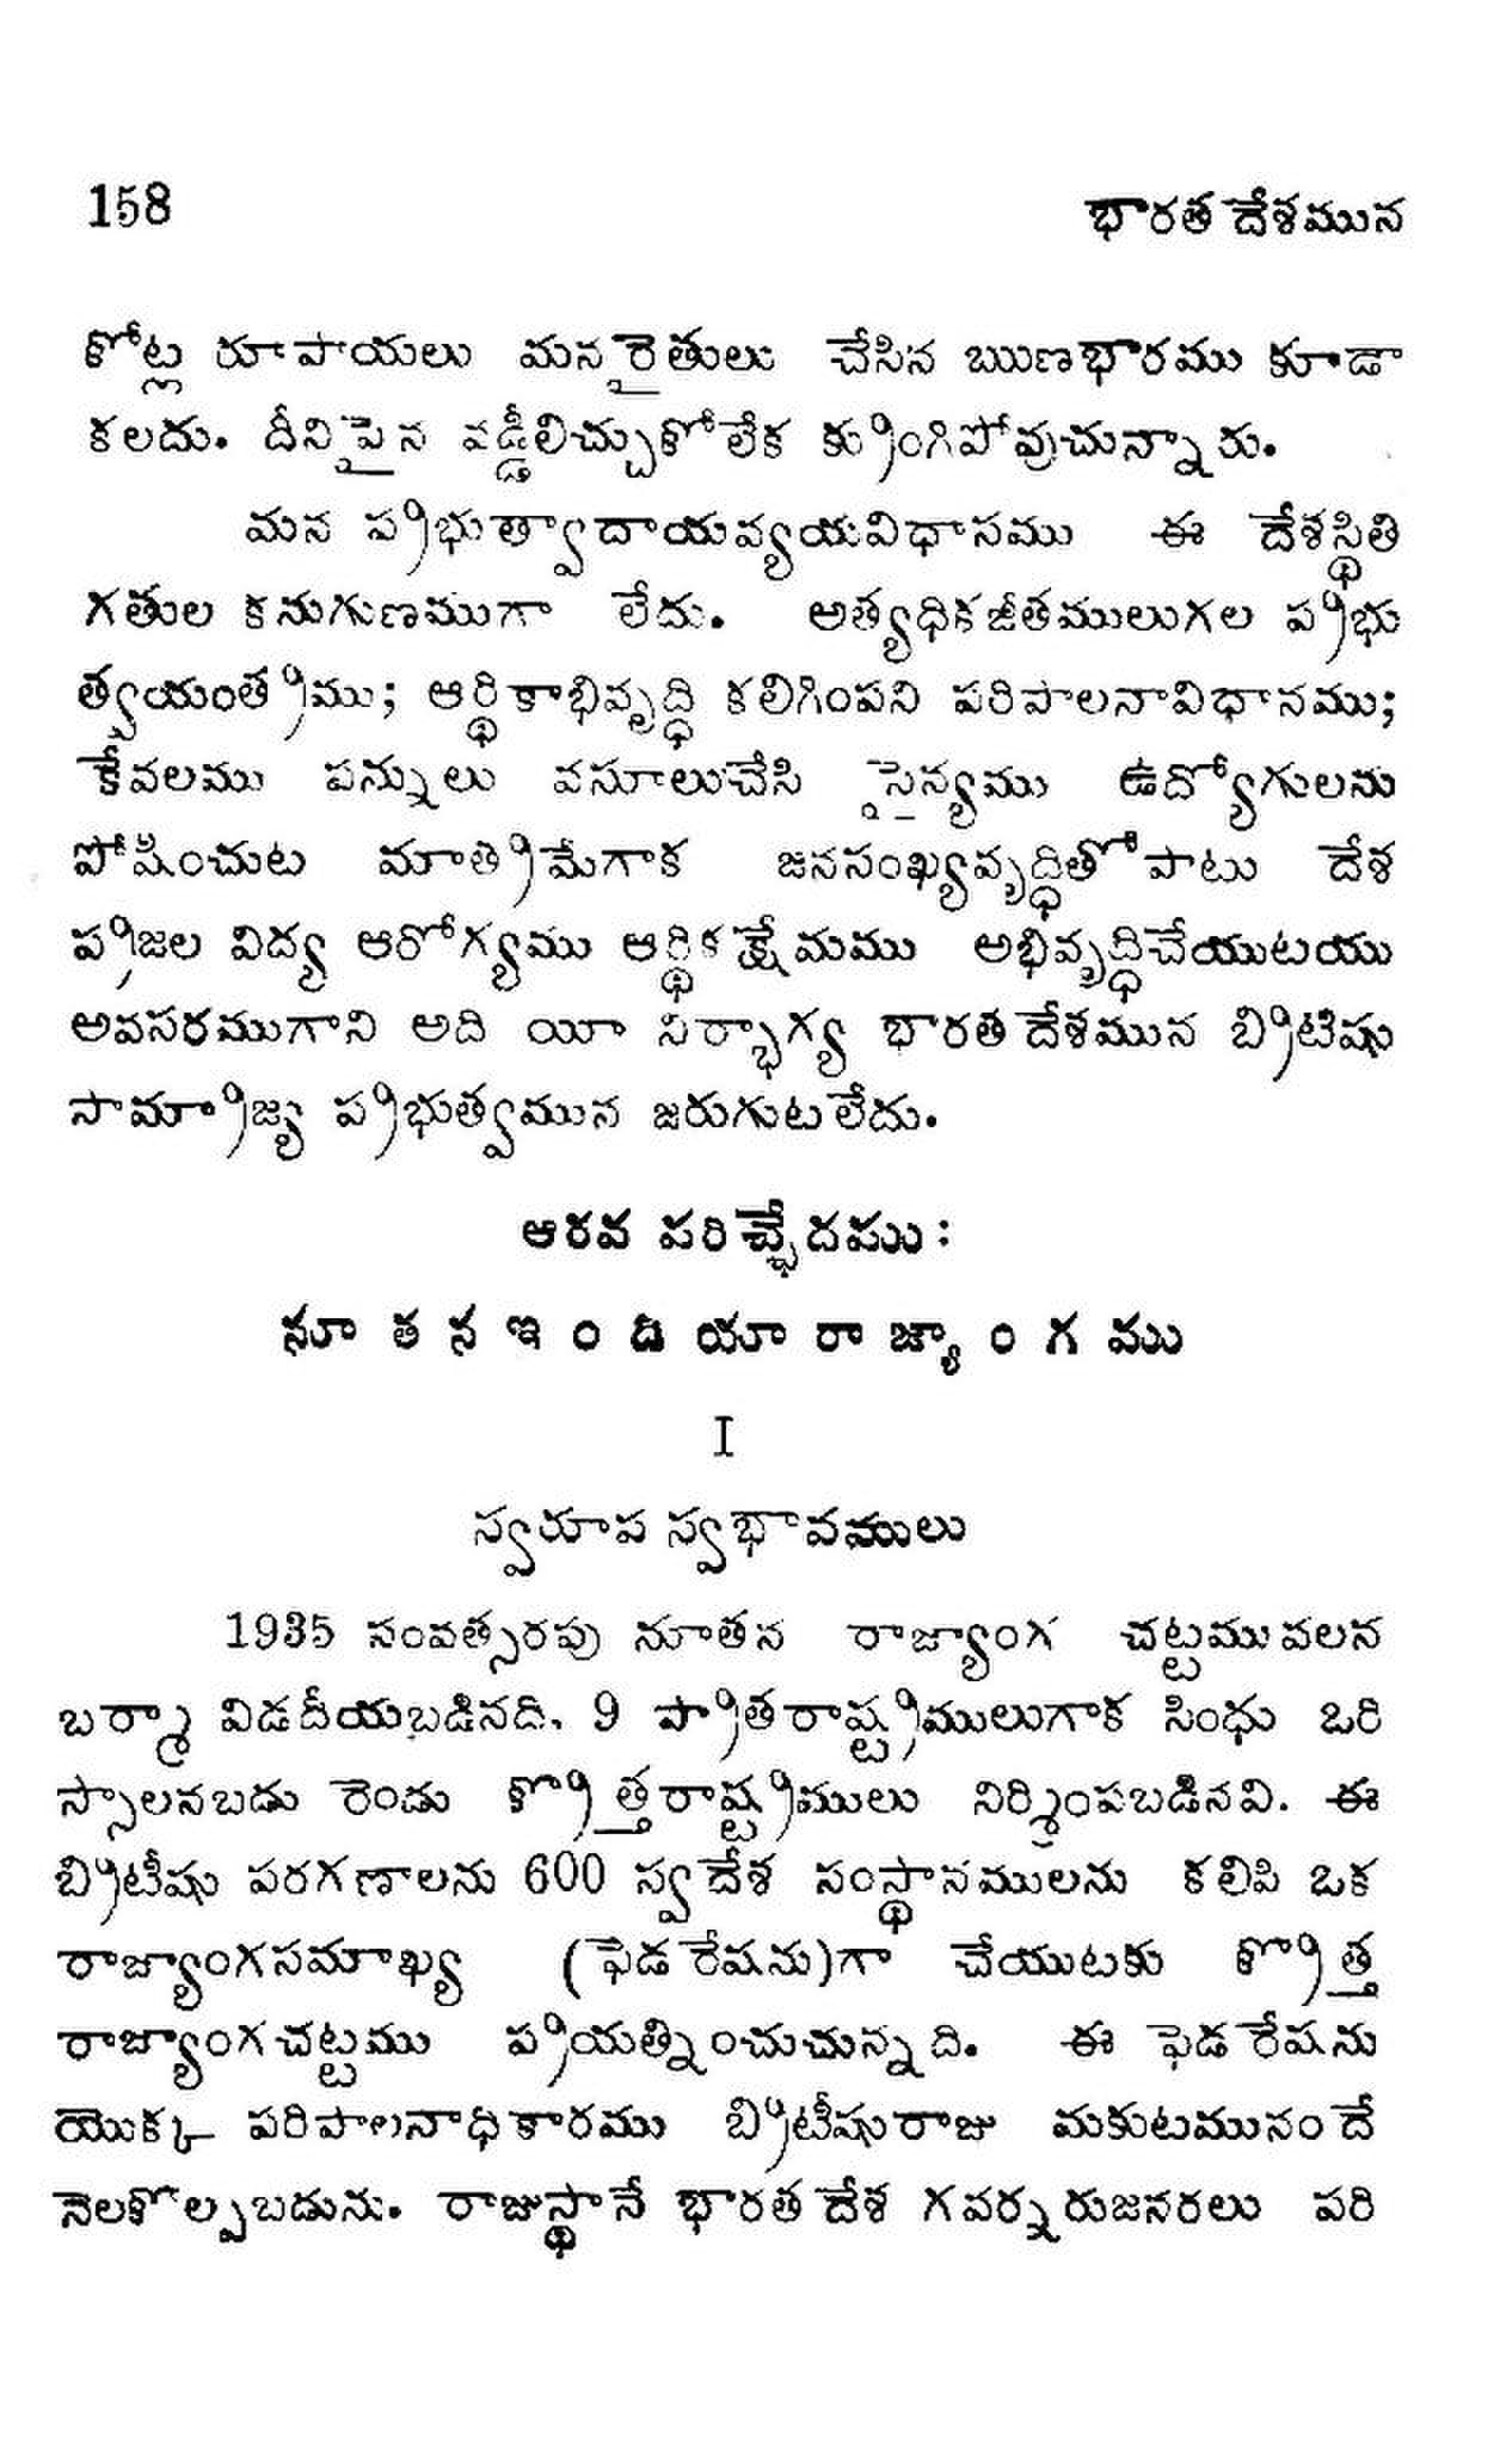కోట్ల రూపాయలు మనరైతులు చేసిన ఋణభారము కూడా కలదు. దీనిపైన వడ్డీలిచ్చుకోలేక క్రుంగిపోవుచున్నారు.

మన ప్రభుత్వాదాయవ్యయవిధానము ఈ దేశస్థితిగతుల కనుగుణముగా లేదు. అత్యధిక జీతములుగల ప్రభుత్వయంత్రము; ఆర్థికాభివృద్ధి కలిగింపని పరిపాలనావిధానము; కేవలము పన్నులు వసూలుచేసి సైన్యము ఉద్యోగులను పోషించుట మాత్రమేగాక జనసంఖ్యవృద్ధితోపాటు దేశప్రజల విద్య ఆరోగ్యము ఆర్థికక్షేమము అభివృద్ధిచేయుటయు అవసరముగాని అది యీ నిర్భాగ్య భారతదేశమున బ్రిటిషుసామ్రాజ్య ప్రభుత్వమున జరుగుట లేదు.

ఆరవ పరిచ్ఛేదము: 
నూతనఇండియా రాజ్యాంగము
I
స్వరూప స్వభావములు 

1935 సంవత్సరపు నూతన రాజ్యాంగ చట్టమువలన బర్మా విడదీయబడినది, 9 ప్రాతరాష్ట్రములుగాక సింధు ఒరిస్సాలనబడు రెండు క్రొత్తరాష్ట్రములు నిర్మింపబడినవి. ఈ బ్రిటీషు పరగణాలను 600 స్వదేశ సంస్థానములను కలిపి ఒక రాజ్యాంగసమాఖ్య (ఫెడరేషను)గా చేయుటకు క్రొత్త రాజ్యాంగచట్టము ప్రయత్నించుచున్నది. ఈ ఫెడరేషను యొక్క పరిపాలనాధికారము బ్రిటీషురాజు మకుటమునందే నెలకొల్పబడును. రాజుతానే భారతదేశ గవర్నరుజనరలు పరి